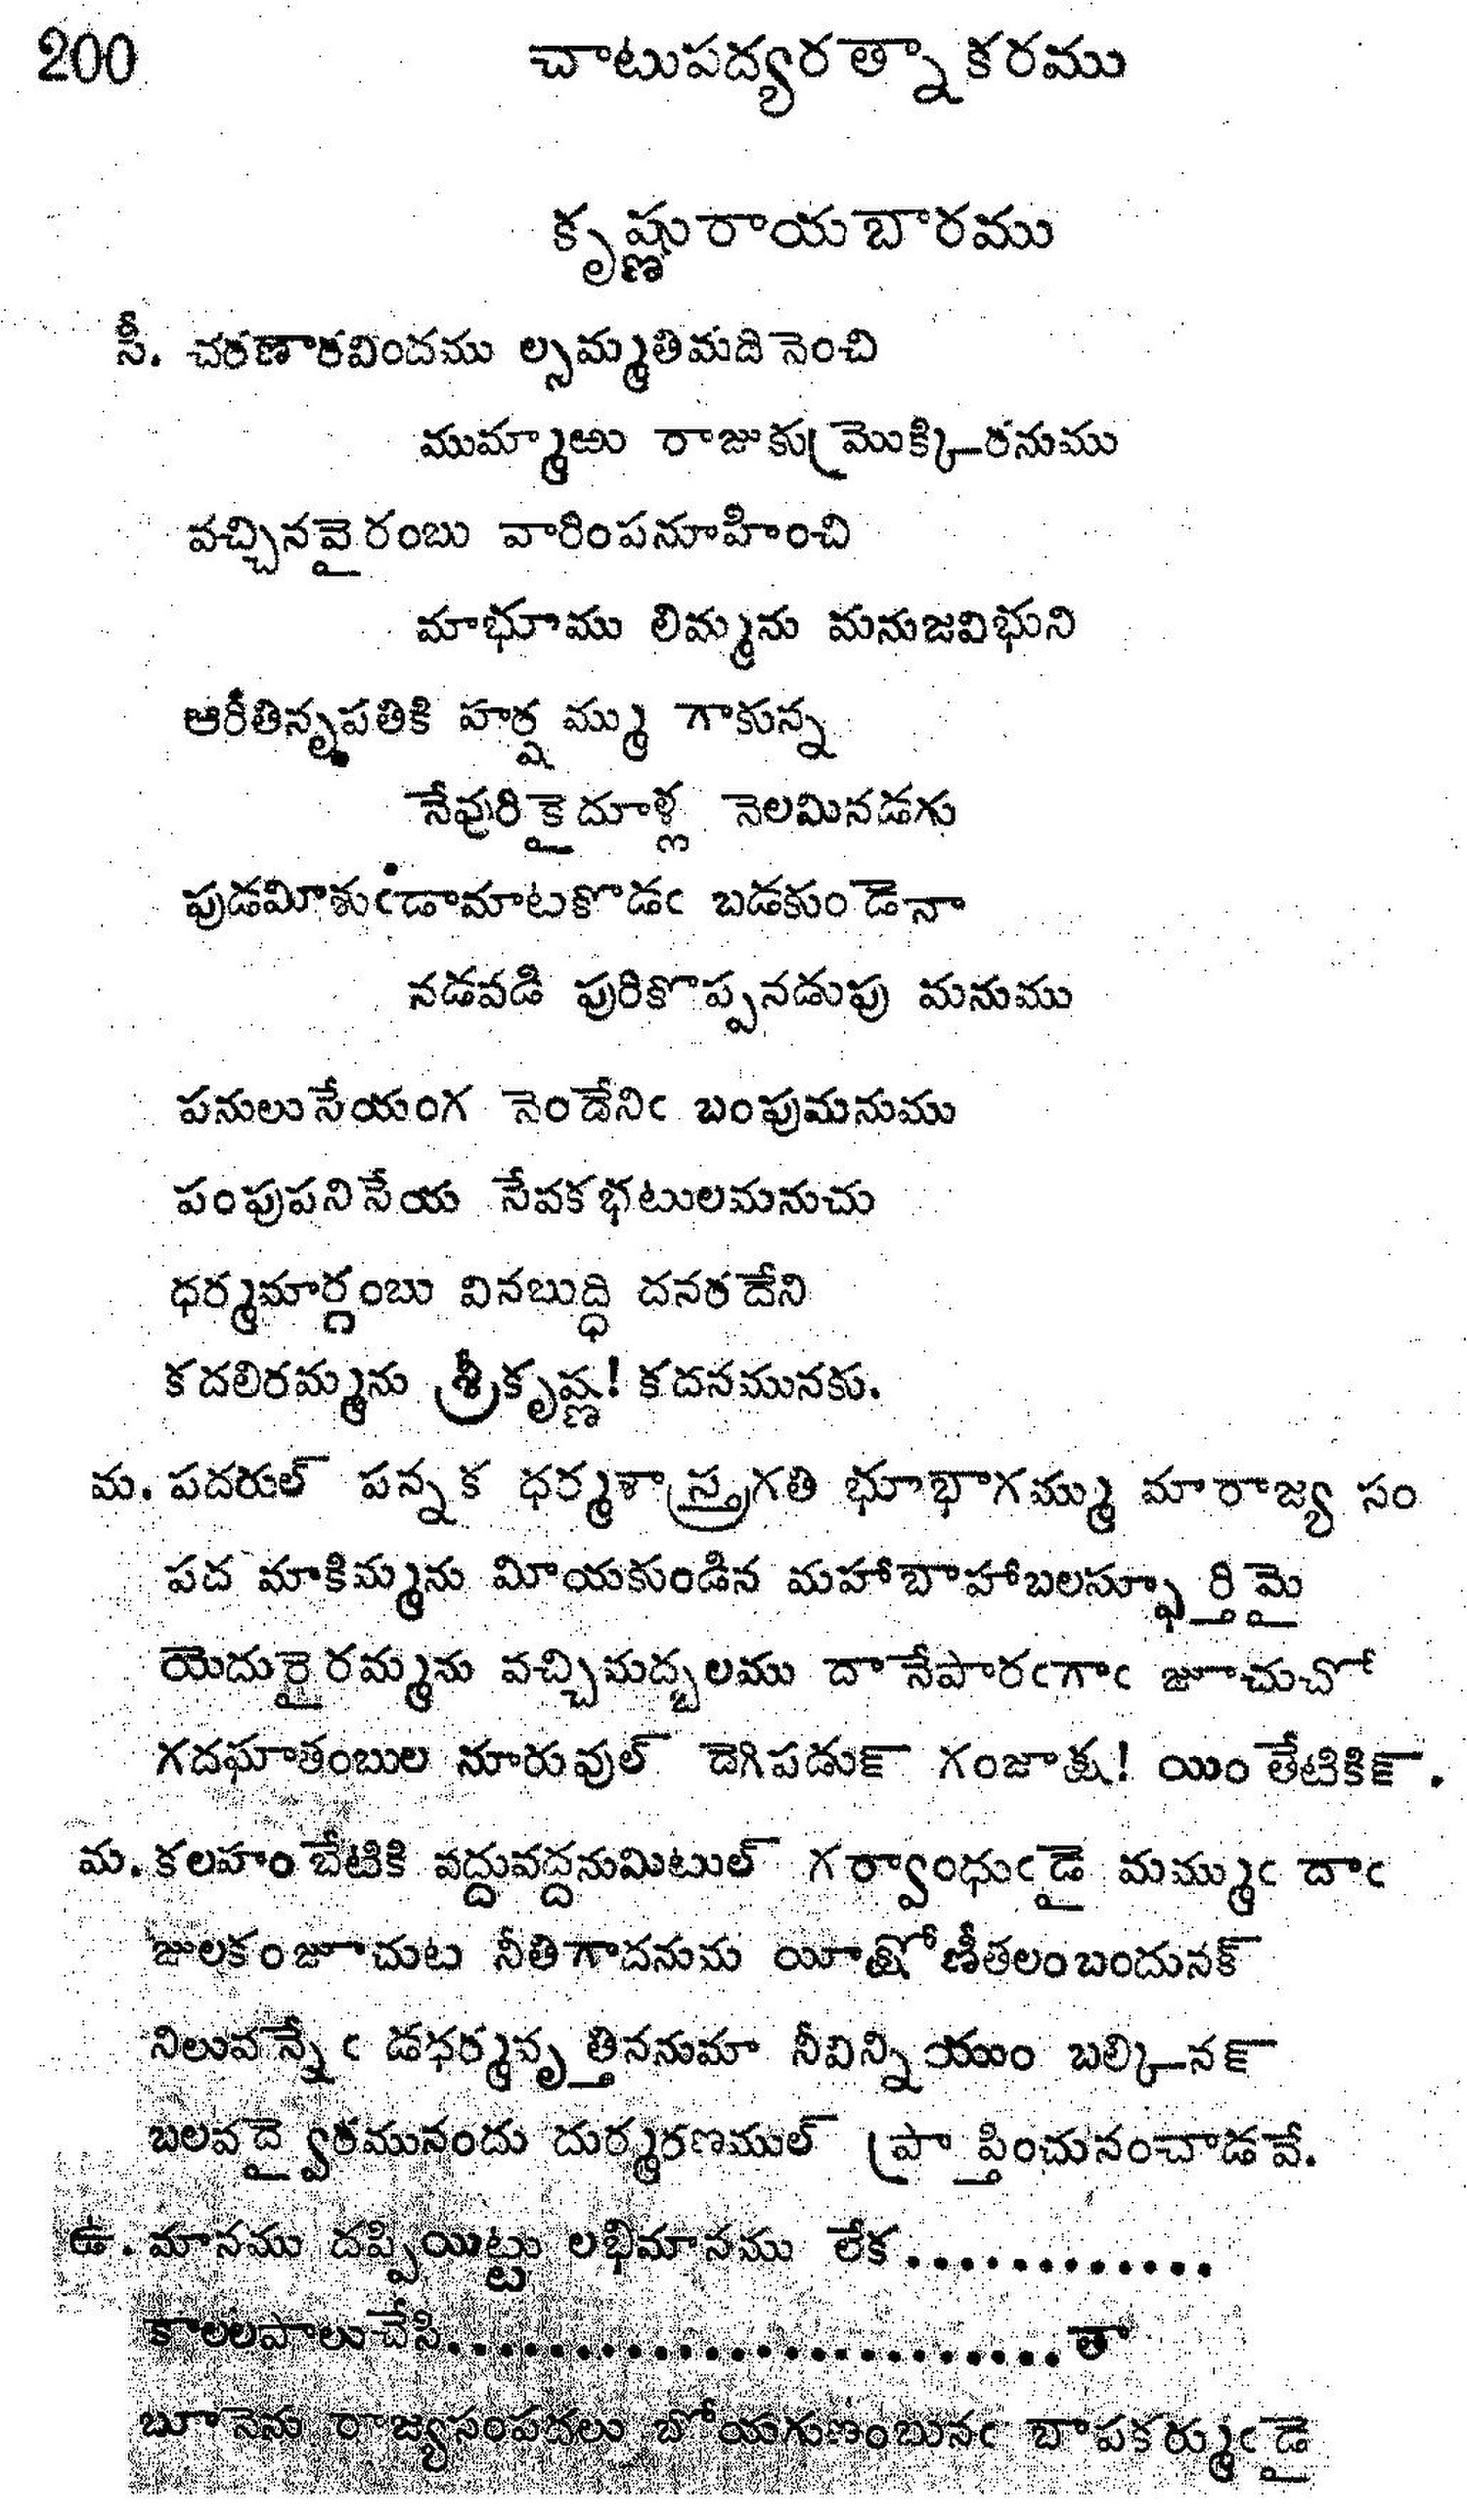సీ. చరణారవిందము ల్సమ్మతి మది నెంచి
 ముమ్మాఱు రాజుకు మ్రొక్కిరనుము
 వచ్చినవైరంబు వారింప నూహించి
 మాభూము లిమ్మను మనుజవిభుని
 ఆరీతి నృపతికి హర్షమ్ము గాకున్న
 నేవురి కైదూళ్ళ నెలమి నడుగు
 పుడమీశుఁ డామాట కొడఁబడకుండెనా
 నడవడి పురికొప్ప నడుపుమనుము
 పనులు సేయంగ నెందేనిఁ బంపుమనుము
 పంపు పనిసేయ సేవకభటుల మనుచు
 ధర్మమార్గంబు వినబుద్ధి దనరదేని
 కదలిరమ్మను శ్రీకృష్ణ! కదనమునకు.

మ. పదరుల్ పన్నక ధర్మశాస్త్రగతి భూభాగమ్ము మారాజ్యసం
 పద మాకిమ్మను మీయకుండిన మహాబాహాబలస్ఫూర్తిమై
 యెదురైరమ్మను వచ్చి మద్బలము దా నేపారఁగాఁ జూచుచో
 గదఘాతంబుల నూరువుల్ దెగిపడున్ గంజాక్ష! యింతేటికిన్.

మ. కలహం బేటికి వద్దువద్దనుమిటుల్ గర్వాంధుఁడై మమ్ముఁ దాఁ
 జులకం జూచుట నీతి గాదనుమ యీక్షోణీతలంబందునన్
 నిలువన్నేఁ డధర్మవృత్తి ననుమా నీ విన్నియుం బల్కినన్
 బలవద్వైరమునందు దుర్మరణముల్ ప్రాప్తించునంచాడవే.

ఉ. మానము దప్పి యిట్టు లభిమానము లేక......................
 కాలలపాలు చేసి.....................................................తా
 బూనెను రాజ్యసంపదలు బోయగుణంబునఁ బాపకర్ముఁడై